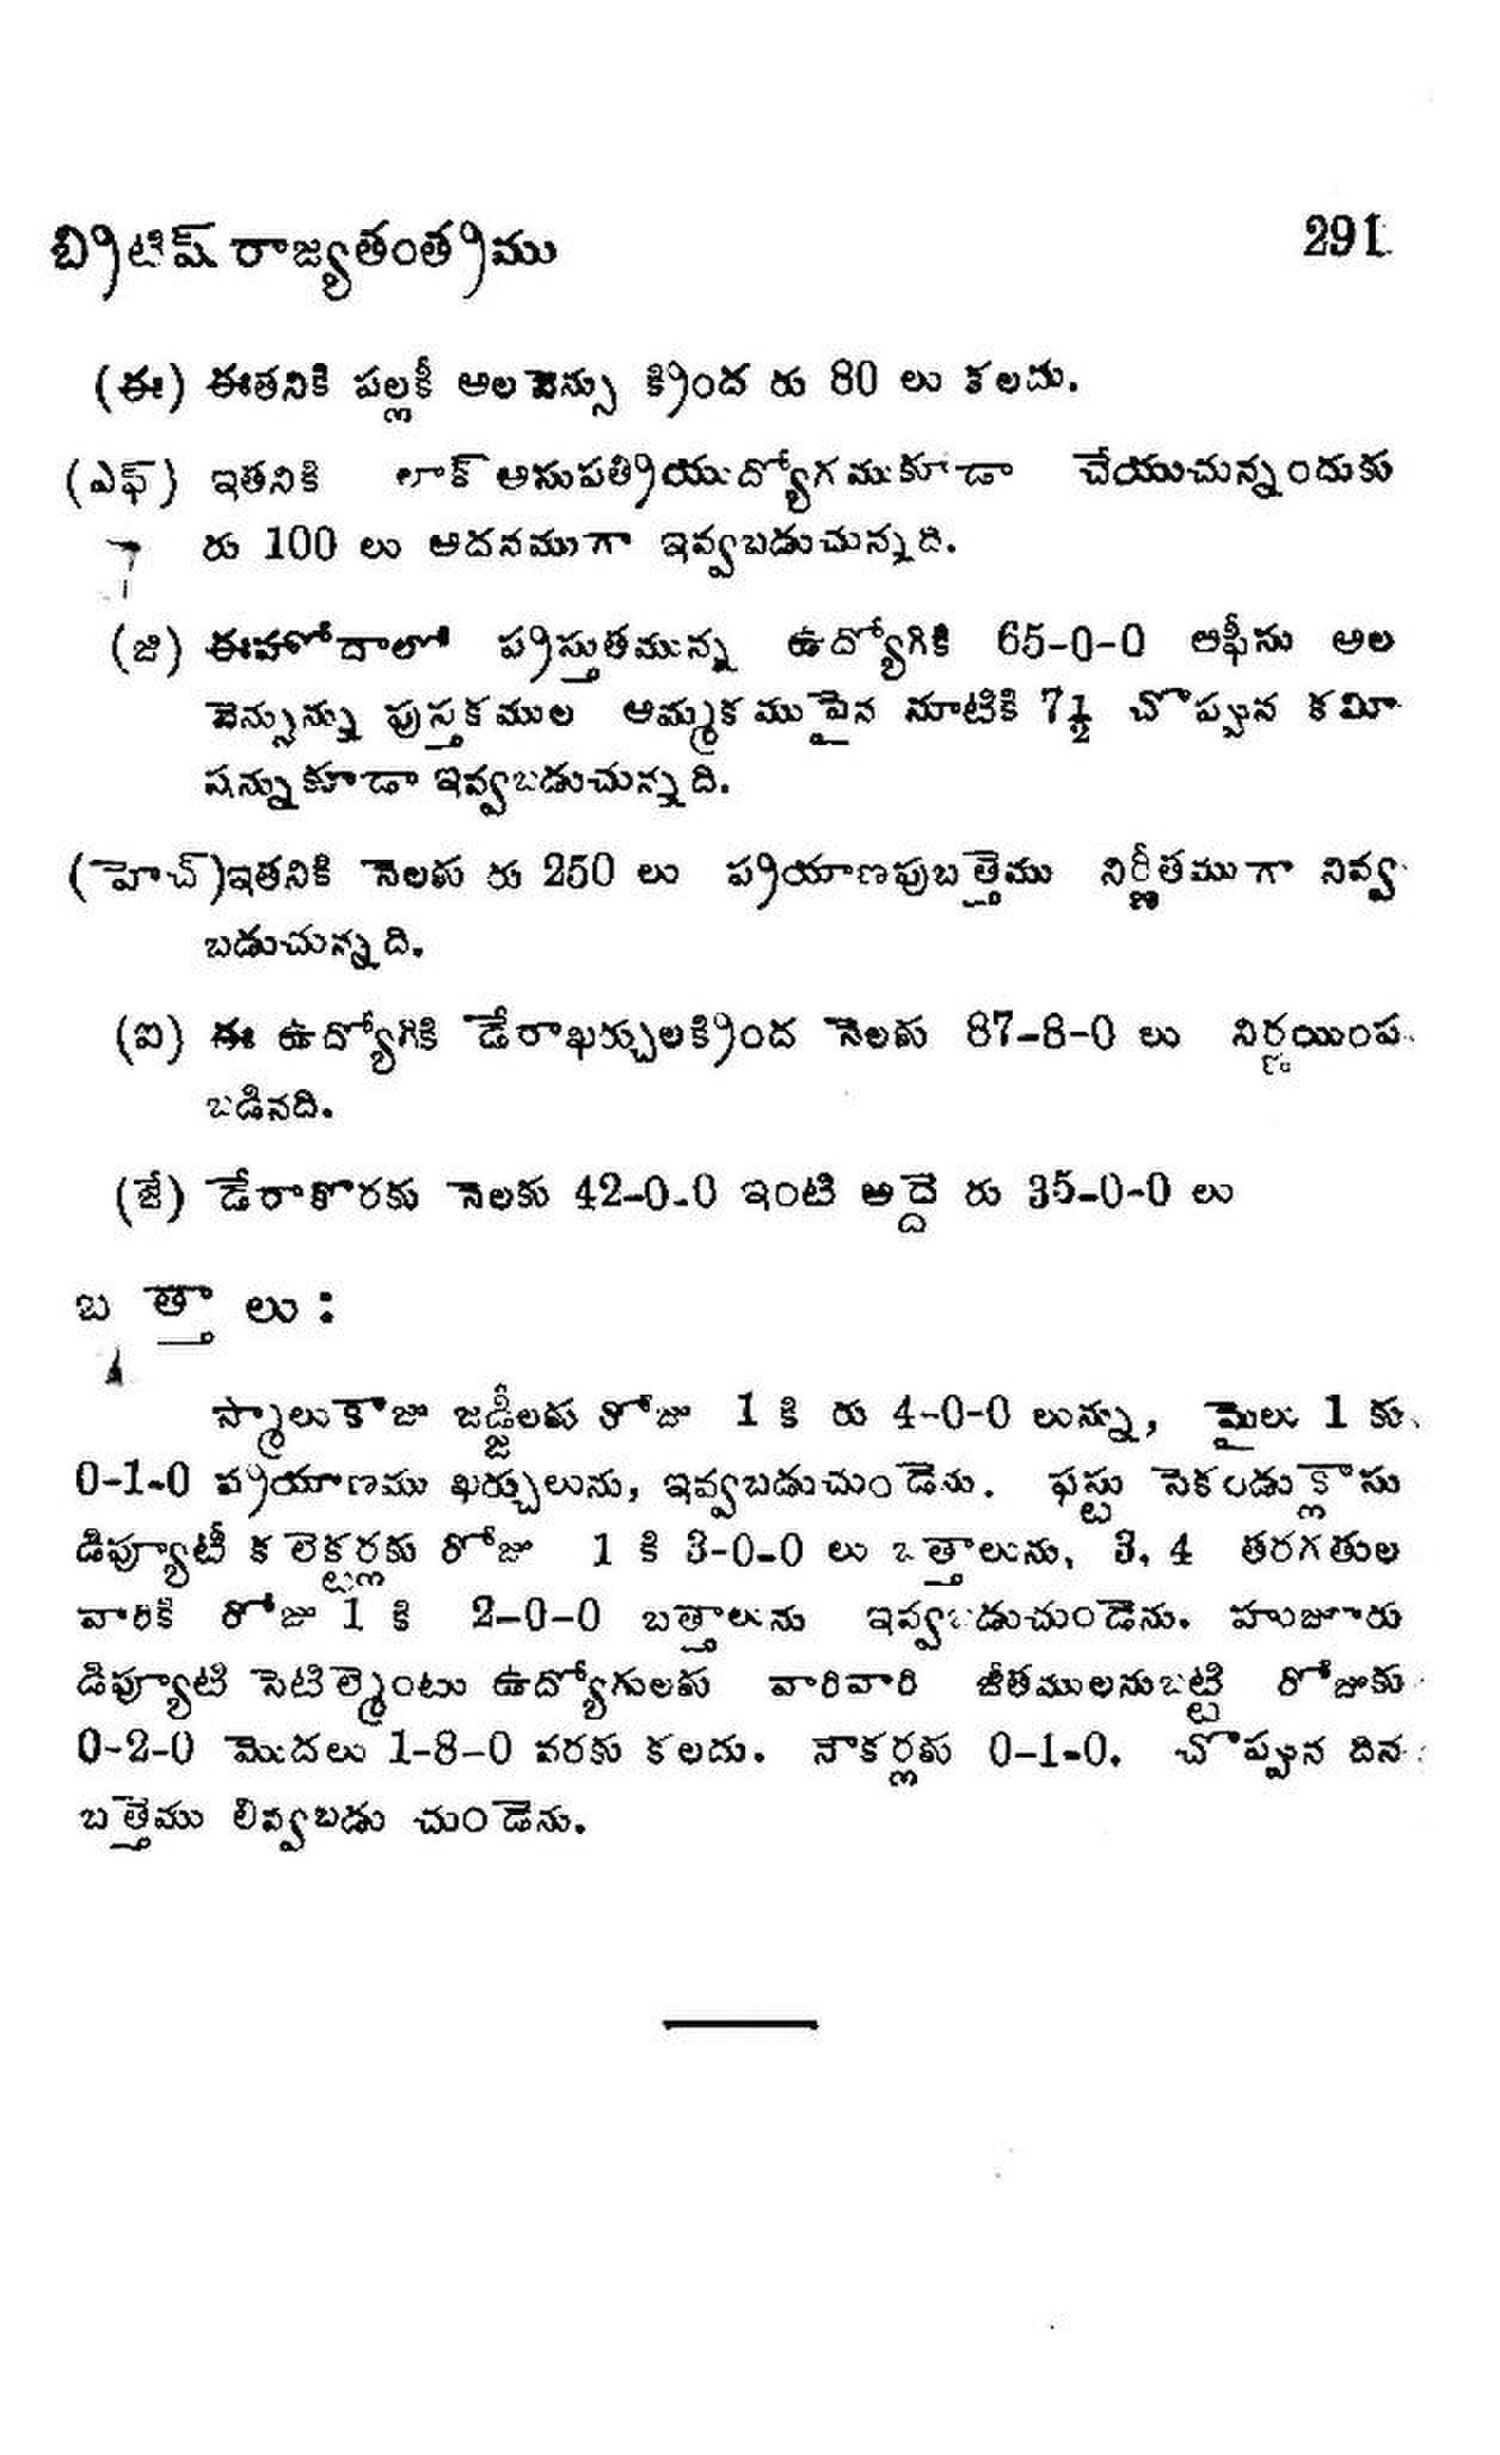(ఈ) ఈతనికి పల్లకీ ఆలవెన్సు క్రింద రు 80 లు కలదు. 

(ఎఫ్) ఇతనికి లాక్ అసుపత్రియుద్యోగముకూడా చేయుచున్నందుకు రు 100 లు అదనముగా ఇవ్వబడుచున్నది. 

(జి) ఈహోదాలో ప్రస్తుతమున్న ఉద్యోగికి 65-0-0 ఆఫీను అలవెన్సున్ను పుస్తకముల అమ్మకముపైన నూటికి 7 1/2 చొప్పున కమీషన్నుకూడా ఇవ్వబడుచున్నది. 

(హెచ్) ఇతనికి నెలకు రు 250 లు ప్రయాణపుబత్తెము నిర్ణీతముగా నివ్వబడుచున్నది. 

(ఐ) ఈ ఉద్యోగికి డేరాఖర్చులక్రింద నెలకు 87-8-0 లు నిర్ణయింపబడినది. 

(జే) డేరాకొరకు నెలకు 42–0.0 ఇంటి అద్దె రు 35-0-0 లు 

బత్తాలు:

స్మాలుకాజు జడ్జీలకు రోజు 1కి రు 4-0-0 లున్ను, మైలు 1 కు, 0-1-0 ప్రయాణము ఖర్చులును, ఇవ్వబడుచుండెను. ఫస్టు సెకండు క్లాసు డిప్యూటీ కలెక్టర్లకు రోజు 1 కి 3-0-0 లు బత్తాలును, 3, 4 తరగతుల వారికి రోజు 1కి 2-0-0 బత్తాలును ఇవ్వబడుచుండెను. హుజూరు డిప్యూటి 'సెటిల్మెంటు ఉద్యోగులకు వారివారి జీతములనుబట్టి రోజుకు 0-2-0 మొదలు 1-8-0 వరకు కలదు. నౌకర్లకు 0-1-0. చొప్పున దినబత్తెము లివ్వబడు చుండెను.

__________